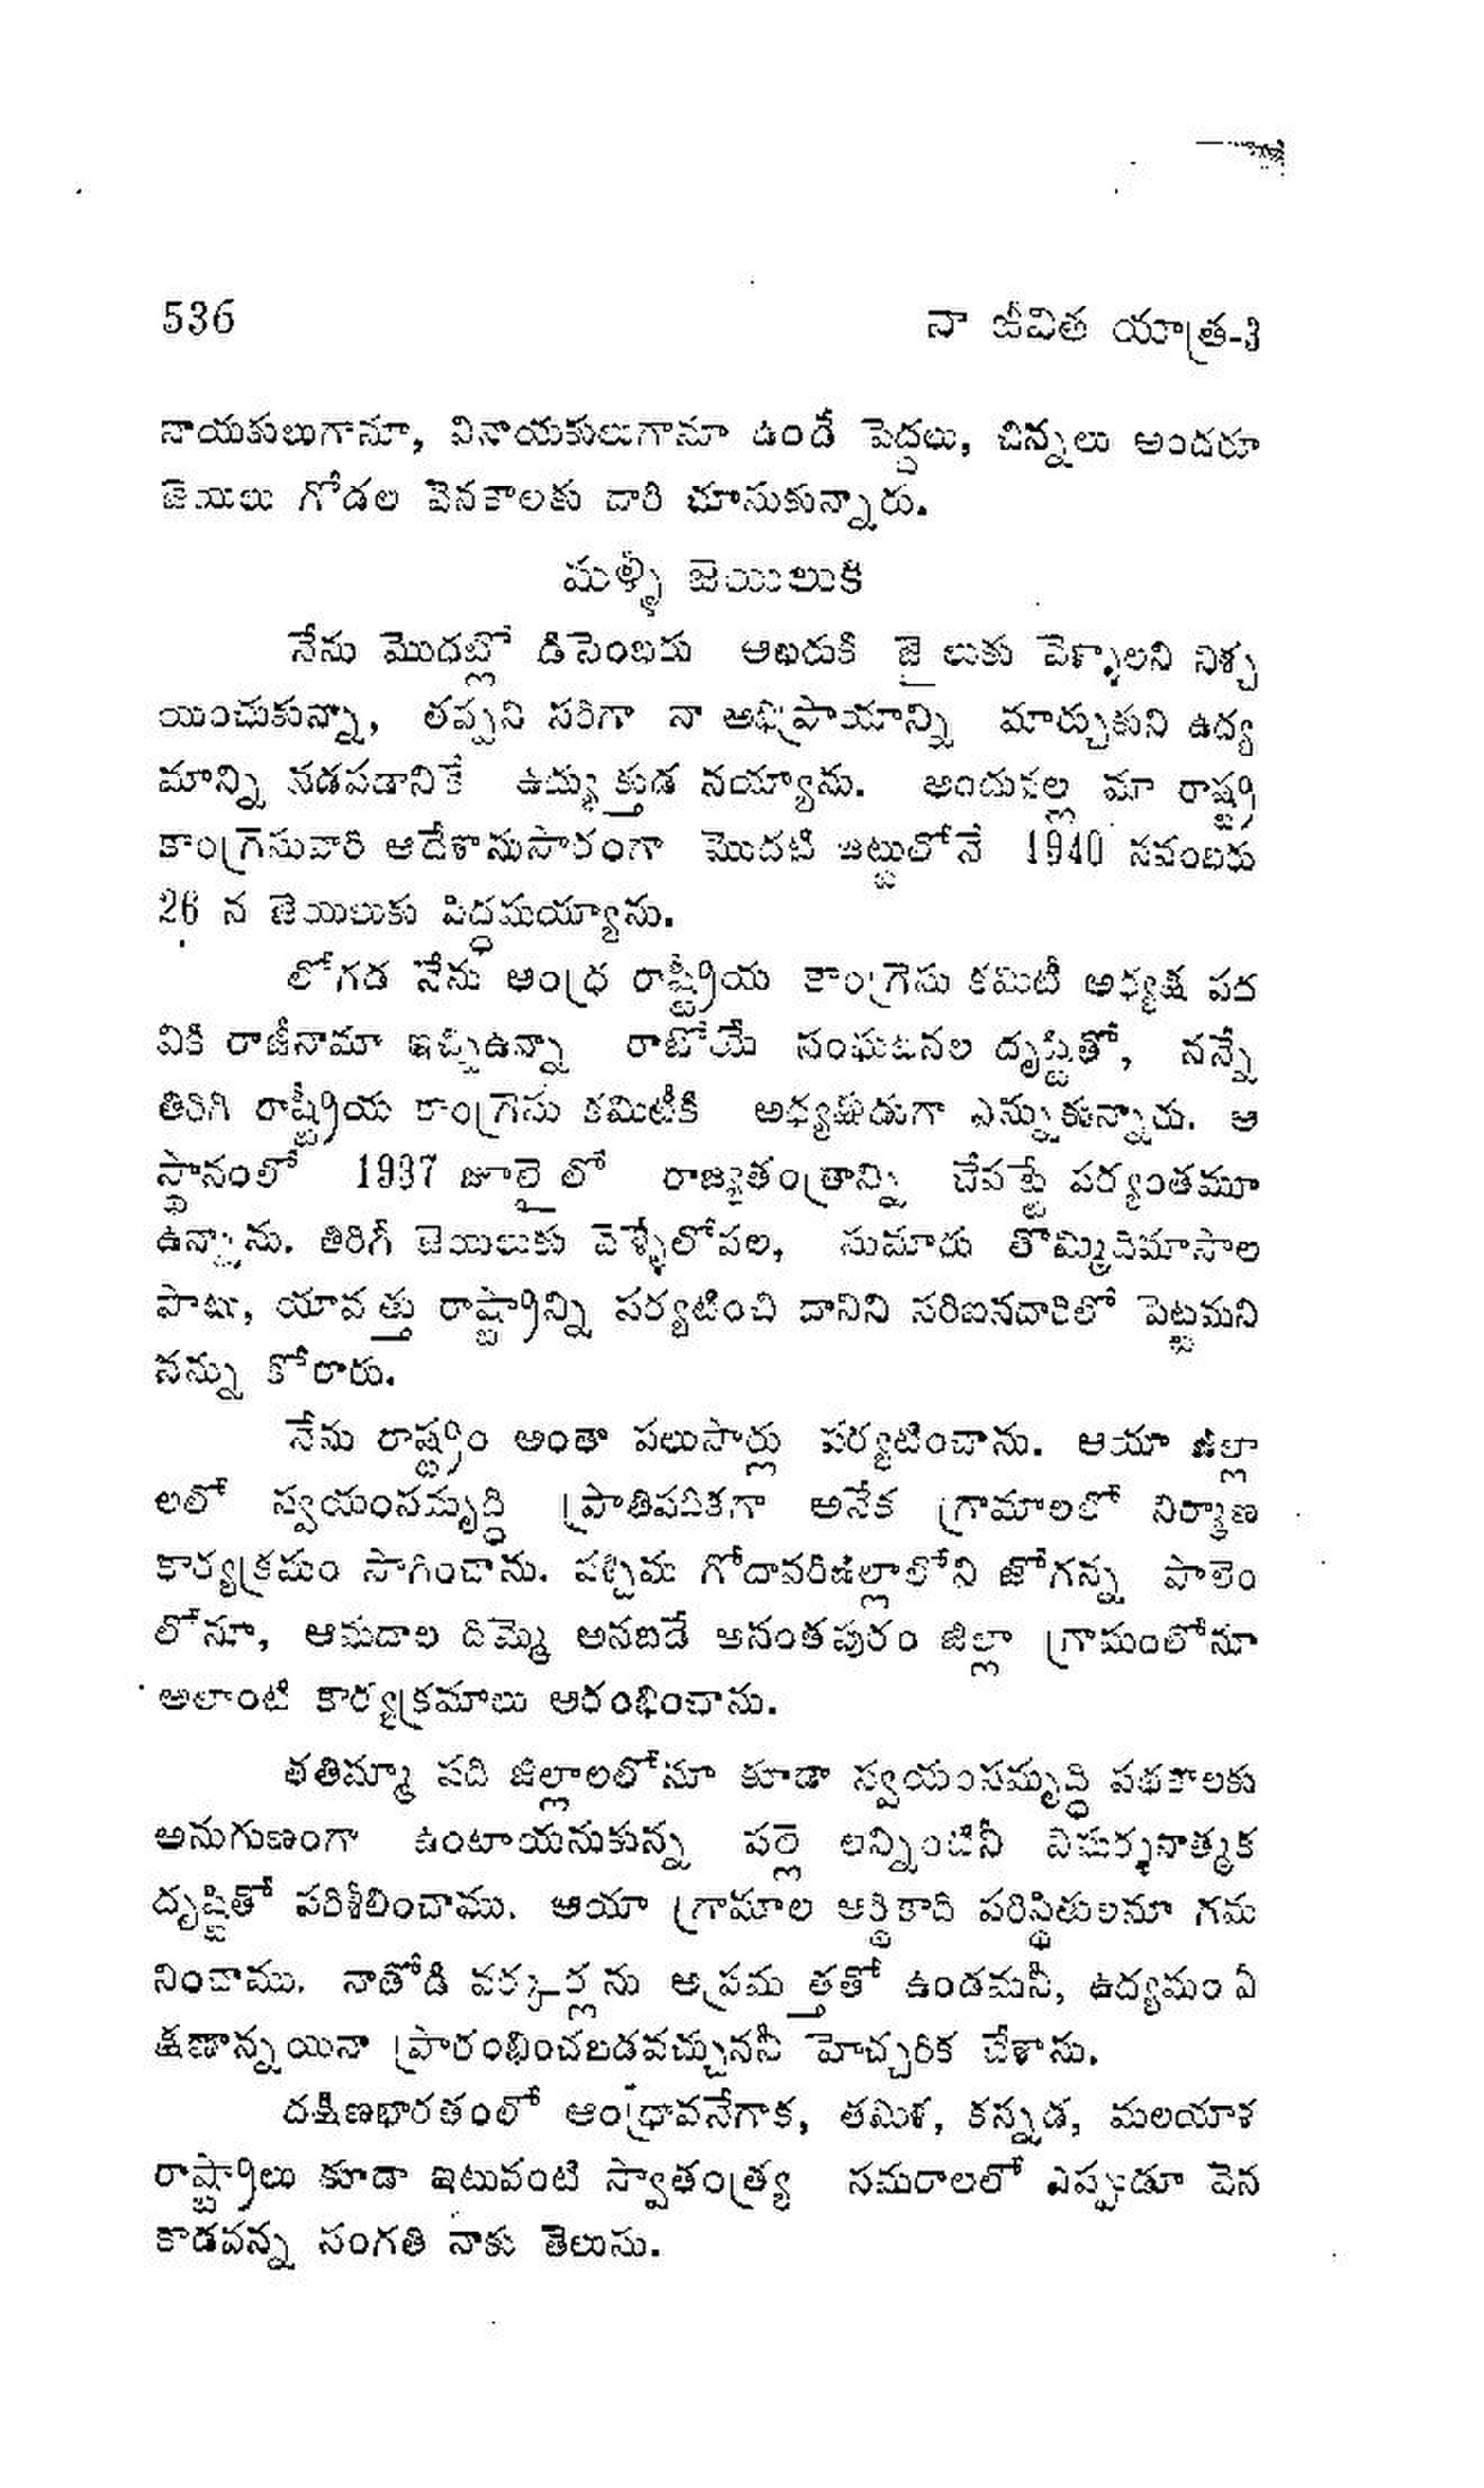నాయకులుగానూ, వినాయకులుగానూ ఉండే పెద్దలు, చిన్నలు అందరూ జెయిలు గోడల వెనకాలకు దారి చూసుకున్నారు.

నేను మొదట్లో డిసెంబరు ఆఖరుకి జైలుకు వెళ్ళాలని నిశ్చయించుకున్నా, తప్పని సరిగా నా అభిప్రాయాన్ని మార్చుకుని ఉద్యమాన్ని నడపడానికే ఉద్యుక్తుడ నయ్యాను. అందువల్ల మా రాష్ట్ర కాంగ్రెసువారి ఆదేశానుసారంగా మొదటి జట్టులోనే 1940 నవంబరు 26 న జెయిలుకు సిద్ధమయ్యాను.

లోగడ నేను ఆంధ్ర రాష్ట్రీయ కాంగ్రెసు కమిటీ అధ్యక్ష పదవికి రాజీనామా ఇచ్చిఉన్నా రాబోయే సంఘటనల దృష్టితో, నన్నే తిరిగి రాష్ట్రీయ కాంగ్రెసు కమిటీకి అధ్యక్షుడుగా ఎన్నుకున్నారు. ఆ స్థానంలో 1937 జూలైలో రాజ్యతంత్రాన్ని చేపట్టే పర్యంతమూ ఉన్నాను. తిరిగీ జెయిలుకు వేళ్ళేలోపల, సుమారు తొమ్మిదిమాసాలపాటు, యావత్తు రాష్ట్రాన్ని పర్యటించి దానిని సరిఐనదారిలో పెట్టమని నన్ను కోరారు.

నేను రాష్ట్రం అంతా పలుసార్లు పర్యటించాను. ఆయా జిల్లాలలో స్వయంసమృద్ధి ప్రాతిపదికగా అనేక గ్రామాలలో నిర్మాణ కార్యక్రమం సాగించాను. పశ్చిమ గోదావరి జిల్లాలోని జోగన్న పాలెంలోనూ, ఆమదాల దిమ్మె అనబడే అనంతపురం జిల్లా గ్రామంలోనూ అలాంటి కార్యక్రమాలు ఆరంభించాను.

తతిమ్మా పది జిల్లాలలోనూ కూడా స్వయంసమృద్ధి పథకాలకు అనుగుణంగా ఉంటాయను కున్న పల్లె లన్నింటినీ విమర్శనాత్మక దృష్టితో పరిశీలించాము. ఆయా గ్రామాల ఆర్థికాది పరిస్థితులనూ గమనించాము. నాతోడి వర్కర్లను అప్రమత్తతో ఉండమనీ, ఉద్యమం ఏ క్షణాన్నయినా ప్రారంభించబడవచ్చుననీ హెచ్చరిక చేశాను.

దక్షిణభారతంలో ఆంధ్రావనేగాక, తమిళ, కన్నడ, మలయాళ రాష్ట్రాలు కూడా ఇటువంటి స్వాతంత్ర్య సమరాలలో ఎప్పుడూ వెనకాడవన్న సంగతి నాకు తెలుసు.